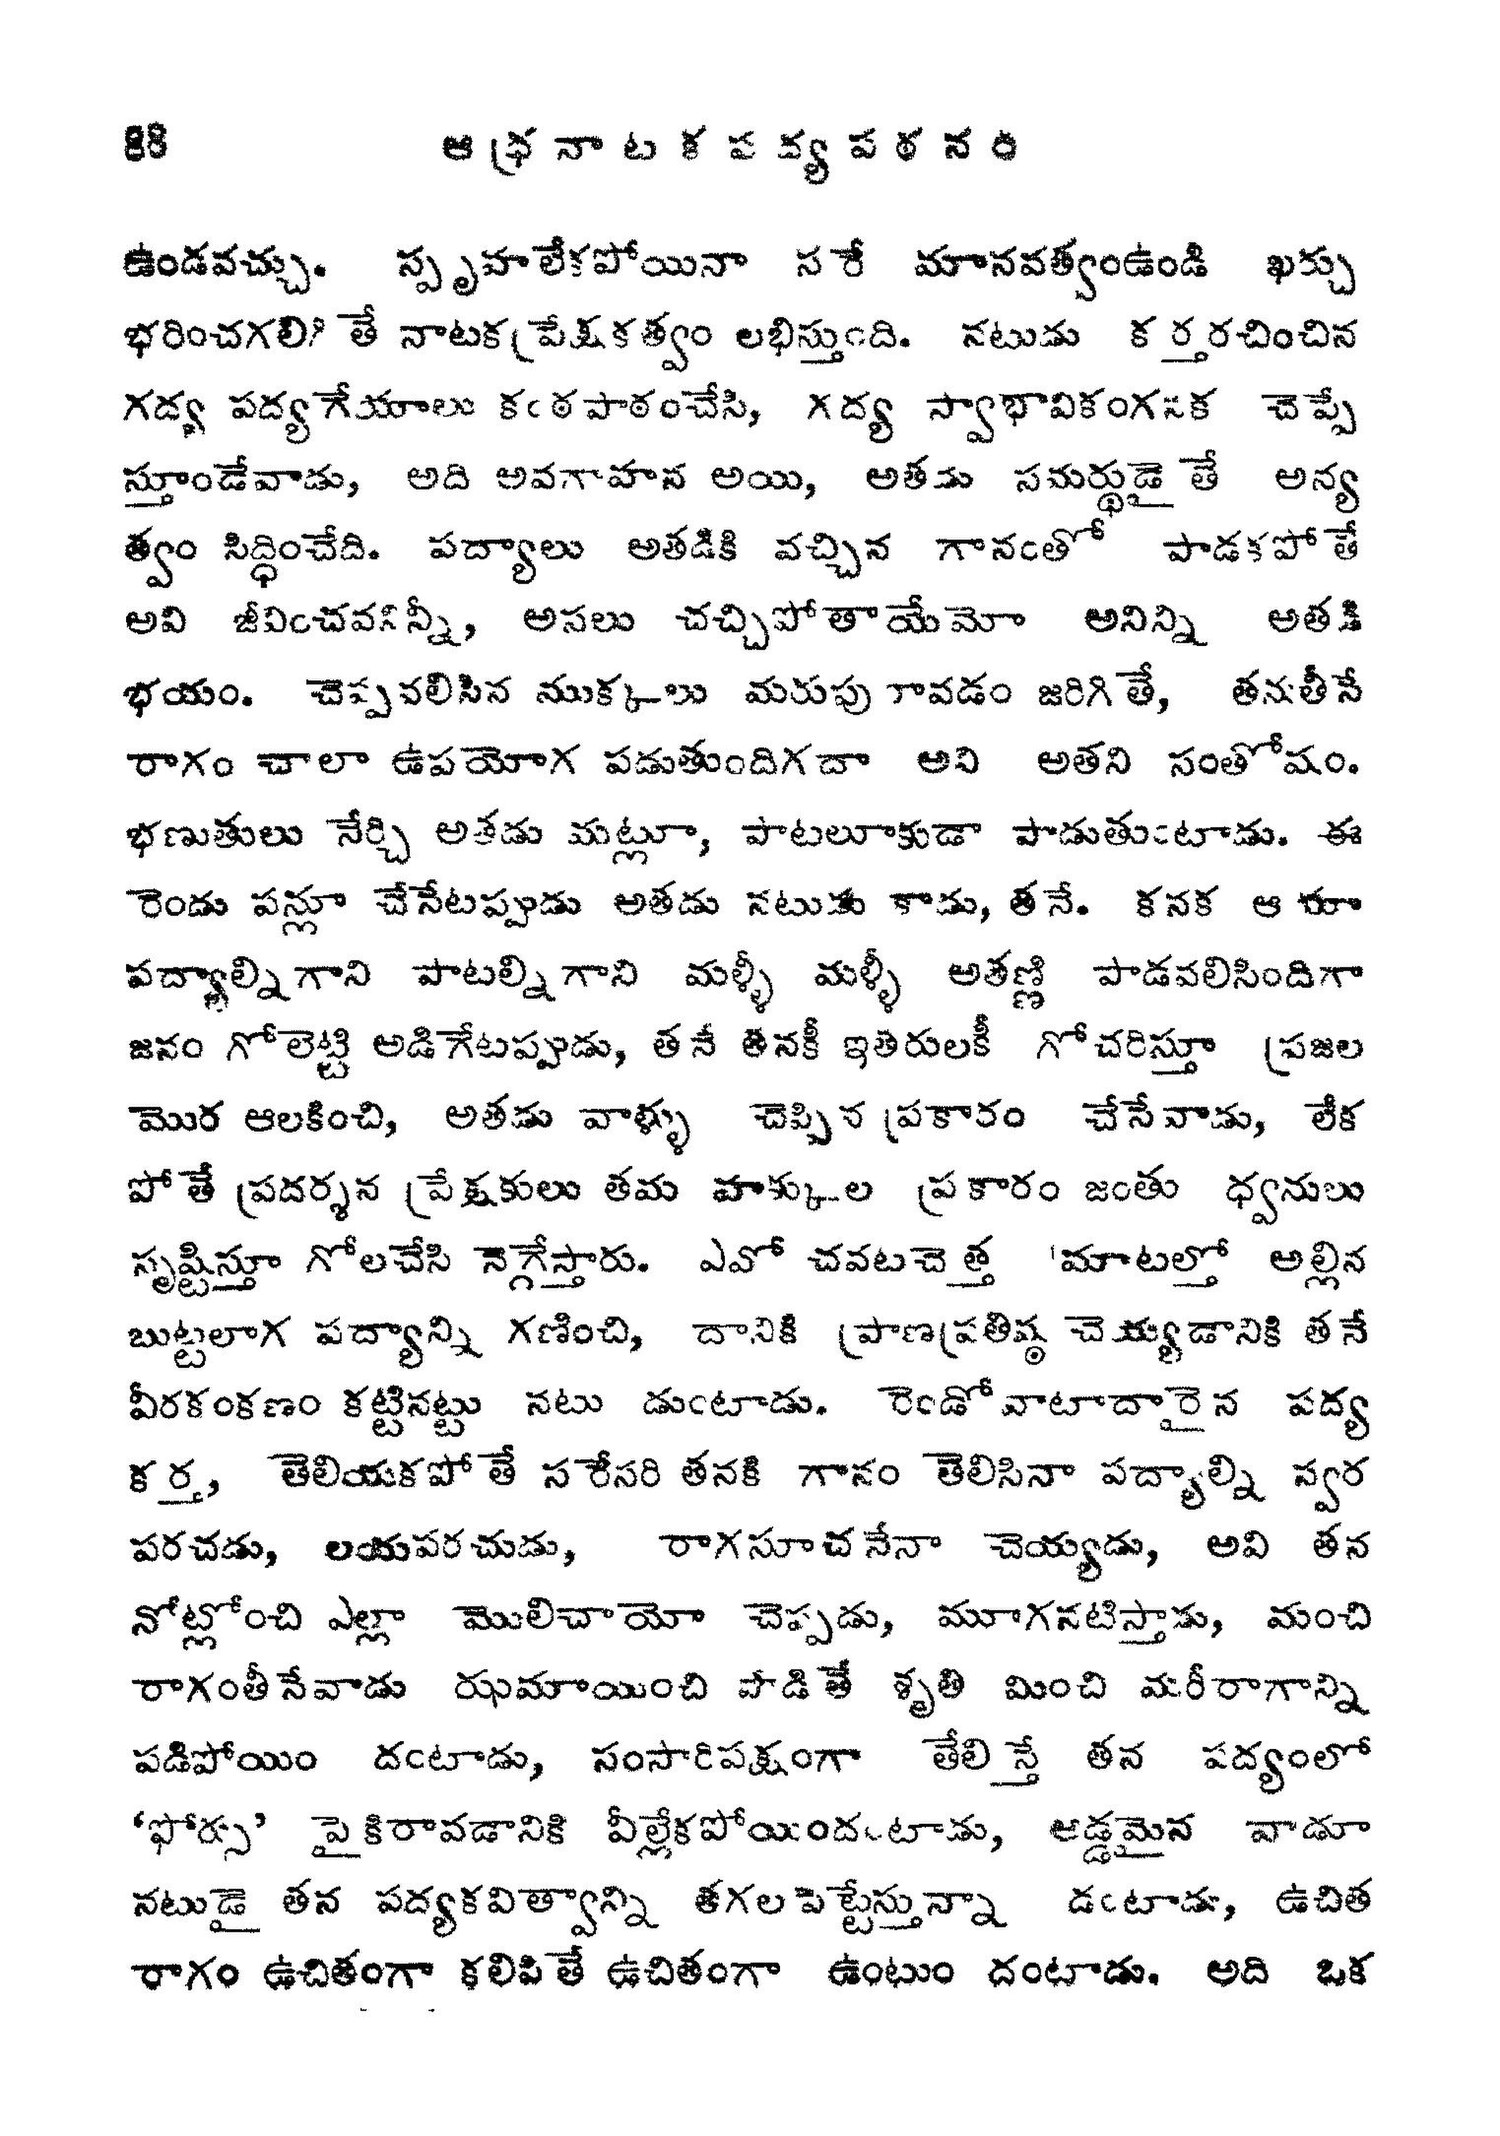ఉండవచ్చు. స్పృహలేకపోయినా సరే మానవత్వంఉండి ఖర్చు
భరించగలిగితే నాటకప్రేక్షకత్వం లభిస్తుంది. నటుడు కర్తరచించిన
గద్య పద్యగేయాలు కంఠపాఠంచేసి, గద్య స్వాభావికంగనక చెప్పే
స్తూండేవాడు, అది అవగాహన అయి, అతడు సమర్థుడైతే అన్య
త్వం సిద్ధించేది. పద్యాలు అతడికి వచ్చిన గానంతో పాడకపోతే
అవి జీవించవనిన్నీ, అసలు చచ్చిపోతాయేమో అనిన్ని అతడి
భయం. చెప్పవలిసిన ముక్కలు మరుపురావడం జరిగితే, తనుతీసే
రాగం చాలా ఉపయోగ పడుతుందిగదా అని అతని సంతోషం.
భణుతులు నేర్చి అతడు మట్లూ, పాటలూకుడా పాడుతుంటాడు. ఈ
రెండు పన్లూ చేసేటప్పుడు అతడు నటుడు కాడు, తనే. కనక ఆయా
పద్యాల్నిగాని పాటల్నిగాని మళ్ళీ మళ్ళీ అతణ్ణి పాడవలిసిందిగా
జనం గోలెట్టి అడిగేటప్పుడు, తనే తనకీ ఇతరులకీ గోచరిస్తూ ప్రజల
మొర ఆలకించి, అతడు వాళ్ళు చెప్పిన ప్రకారం చేసేవాడు, లేక
పోతే ప్రదర్శన ప్రేక్షకులు తమ హక్కుల ప్రకారం జంతు ధ్వనులు
సృష్టిస్తూ గోలచేసి నెగ్గేస్తారు. ఎవో చవటచెత్త మాటల్తో అల్లిన
బుట్టలాగ పద్యాన్ని గణించి, దానికి ప్రాణప్రతిష్ఠ చెయ్యడానికి తనే
వీరకంకణం కట్టినట్టు నటు డుంటాడు. రెండోవాటాదారైన పద్య
కర్త, తెలియకపోతే సరేసరి తనకి గానం తెలిసినా పద్యాల్ని స్వర
పరచడు, లయపరచుడు, రాగసూచనేనా చెయ్యడు, అవి తన
నోట్లోంచి ఎల్లా మొలిచాయో చెప్పడు, మూగనటిస్తాడు, మంచి
రాగంతీసేవాడు ఝమాయించి పాడితే శృతి మించి మరీరాగాన్ని
పడిపోయిం దంటాడు, సంసారిపక్షంగా తేలిస్తే తన పద్యంలో
'ఫోర్సు' పైకిరావడానికి వీల్లేకపోయిందంటాడు, అడ్డమైన వాడూ
నటుడై తన పద్యకవిత్వాన్ని తగలపెట్టేస్తున్నా డంటాడు, ఉచిత
రాగం ఉచితంగా కలిపితే ఉచితంగా ఉంటుం దంటాడు, అది ఒక